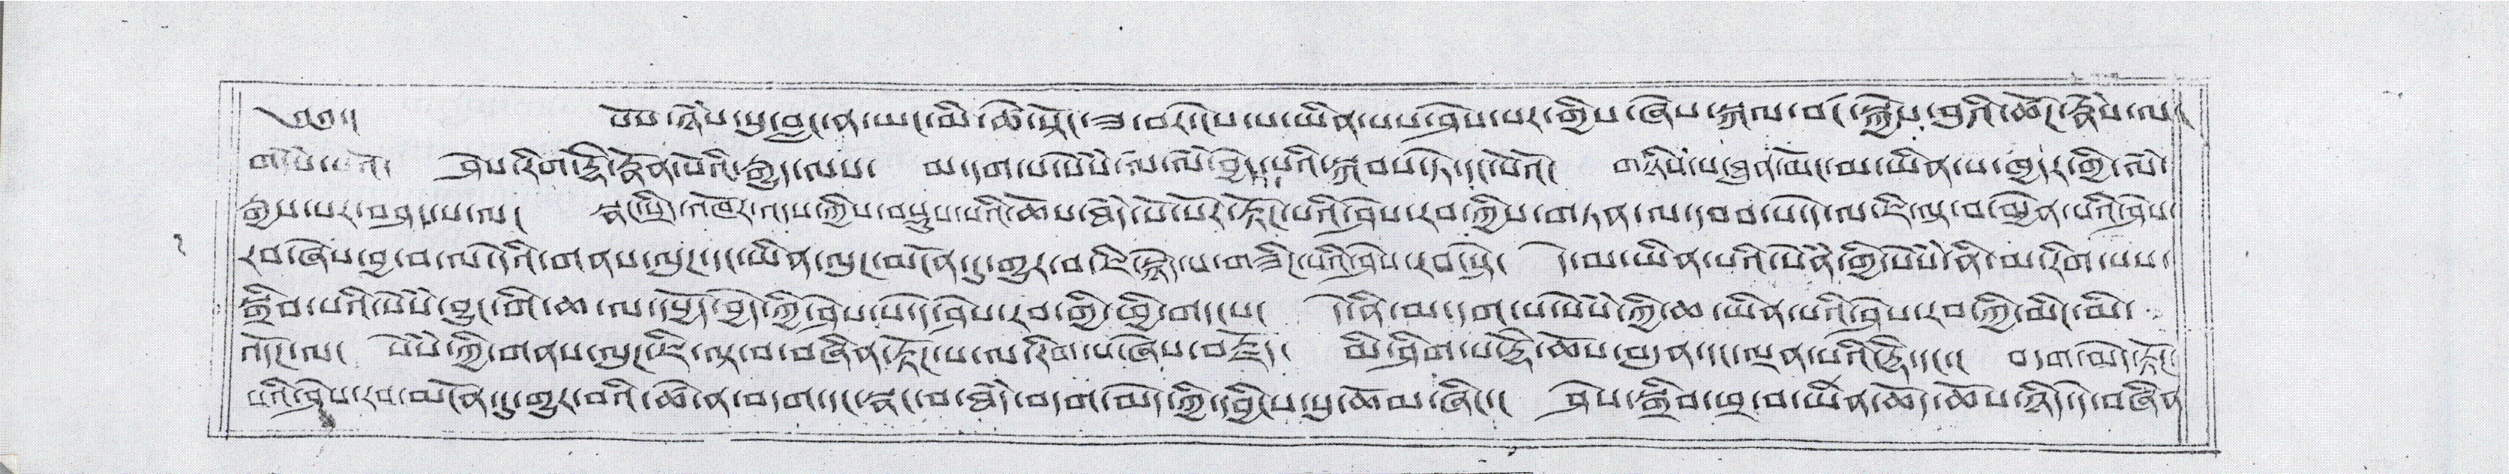པོས་ཉམས་སུ་བླང་ན་མི་ཚེ་སྟོང་ཟ་བར་ངེས་པ་ཡིན་པས་ཤེས་པར་གྱིས་ཞེས་སྐལ་བཟང་སྐྱེས་བུའི་ཚོགས་རྣམས་ལ་
གདམས་པའོ། ཤེས་རིག་རྡོ་རྗེ་རྣོན་པོའི་རྒྱུད་ལས། མ་དག་པ་སེམས་ལམ་བྱེད་པའི་སྐབས་དེ་དང་པོའོ། །གཉིས་པ་ཐུན་མོང་མ་ཡིན་པ་ཁྱད་པར་གྱི་ལམ་
རྒྱས་པར་བཤད་པ་ལ། སྣང་སྲིད་འཁོར་འདས་ཀྱིས་བསྡུས་པའི་ཆོས་ཐམས་ཅད་སོ་སོར་རྟོགས་པའི་ཤེས་རབ་ཀྱིས་གཏན་ལ་དབབ་པ་དེ་ལ་ཇི་ལྟ་བ་མཁྱེན་པའི་ཤེས་
རབ་ཅེས་བྱ་བ་ལ་དེ་ལ་དེའི་གནས་ལུགས་དང་ཡིན་ལུགས་མངོན་དུ་གྱུར་པ་ཇི་སྙེད་པ་གཟིགས་པའི་ཤེས་རབ་སྟེ། དེ་མ་ཡིན་པའི་སེམས་ཅན་གྱི་སེམས་ནི་མ་རིག་པས་
སྒྲིབ་པའི་སེམས་བྱུང་གི་ཆ་ལ་དཔྱོད་བྱེད་ཀྱི་ཤེས་པ་དེ་ཤེས་རབ་ཀྱི་ཕྱི་གདངས། དེ་ནི་མ་དག་པའི་སེམས་ཀྱི་ཆ་ཡིན་པའི་ཤེས་རབ་ཀྱི་མིང་མི་
འདོགས་ལ། སེམས་ཀྱི་གནས་ལུགས་ཇི་ལྟ་བ་བཞིན་དུ་རྟོགས་པའི་རིག་པ་ལ་ཤེས་པ་ཞེས་བརྗོད། མི་ཤིག་པ་རྡོ་རྗེ་ཆོས་བདུན་དང་ལྡན་པས་རྡོ་རྗེ་དང་། བདག་མེད་རྟོགས་
པའི་ཤེས་རབ་མངོན་དུ་གྱུར་པའི་ཚེ་ན་བདག་དང་སྣང་བ་ཐམས་ཅད་བདག་མེད་ཀྱི་དབྱིངས་སུ་ཆོམ་ཞིང་། ཤེས་སྒྲིབ་ཕྲ་བ་ཡན་ཆོད་ཆོས་ཉིད་དེ་བཞིན་